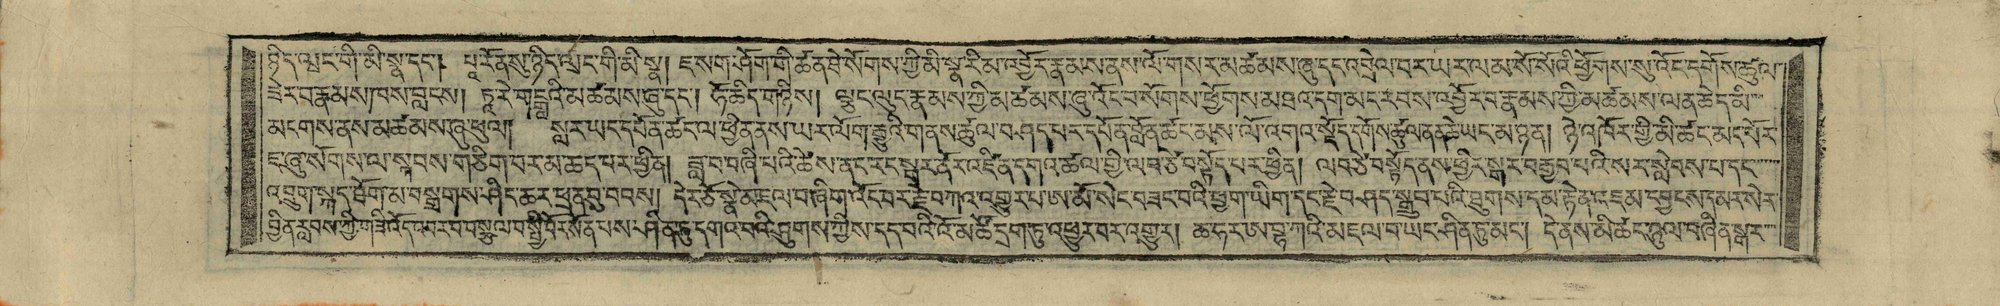ཉིད་ཝང་གི་མི་སྣ་དང་། པཱ་རོན་སུ་ཉིད་ལང་གི་མི་སྣ། ཇ་སག་ཤོག་གི་ཚན་ཐེ་སོགས་ཀྱི་མི་སྣ་རིམ་འབྱོར་རྣམས་ནས་ལོ་གསར་མཚམས་ཞུ་དང་འབྲེལ་བར་ཡར་ལམ་སོ་སོའི་ཕྱོགས་སུ་འོད་དགོས་ཚུལ་
ཟེར་བ་རྣམས་ཁས་བླངས། ཏཱ་རེ་གངྒཱའི་མཚམས་ཞུ་དང་། ཧོ་ཆིད་གཉིས། ལྕང་ལུང་རྣམས་ཀྱི་མཚམས་ཞུ་འོང་བ་སོགས་ཕྱོགས་མཐའ་དག་མང་རབས་འབྱོར་བ་རྣམས་ཀྱི་མཚམས་ལན་ཆེད་མི་
མངགས་ནས་མཚམས་ཞུ་ཕུལ། སླར་ཡང་དཔོན་ཚང་ལ་ཕྱིན་ནས་ཡར་ལོག་རྒྱུའི་གནས་ཚུལ་བཤད་པར་དཔོན་བློན་ཚང་མས་ལོ་འགའ་སྡོད་དགོས་ཚུལ་ནན་ཆེ་ཡང་མ་ཉན། ཉེ་འཁོར་གྱི་མི་ཚང་མང་ཕོར་
ཇ་ཞུ་སོགས་ལ་སྐབས་གཅིག་པར་མ་ཆད་པར་ཕྱིན། ཟླ་བ་བཞི་པའི་ཚེས་ནང་རང་སྒར་ནོར་འཛིན་དགའ་ཚལ་གྱི་ལབ་ཙེ་བསྟོད་པར་ཕྱིན། ལབ་ཙེ་བསྟོད་ནས་ཕྱིར་སྒར་བརྒྱབ་པའི་སར་སླེབས་པ་དང་
འབྲུག་སྐད་ཐོག་མ་བསྒྲགས་ཤིང་ཆར་ཕྲན་བུ་བབས། དེར་ཅོ་སྣེ་མཇལ་བ་ཞིག་འོང་བར་རྗེ་བཀའ་འགྱུར་པ་ཨ་མོ་སེང་བཟང་བའི་ཕྱག་ཡིག་དང་རྗེ་བཤད་སྒྲུབ་པའི་ཐུགས་དམ་རྟེན་འཇམ་དབྱངས་དམར་སེར་
བྱིན་རླབས་ཀྱི་གཟི་འོད་འབར་བ་བསྩལ་བ་སྤྱི་བོར་སོན་པས་ཤིན་ཏུ་དགའ་བའི་ཤུགས་ཀྱིས་དད་པའི་འོ་མཚོ་དྲག་ཏུ་འཕྱུར་བར་འགྱུར། ཆ་ཧར་ཨ་བྷ་ཀའི་མཇལ་བ་ཡང་ཤིན་ཏུ་མང་། དེ་ནས་མི་ཚང་ཉུལ་བཞིན་སྒར་